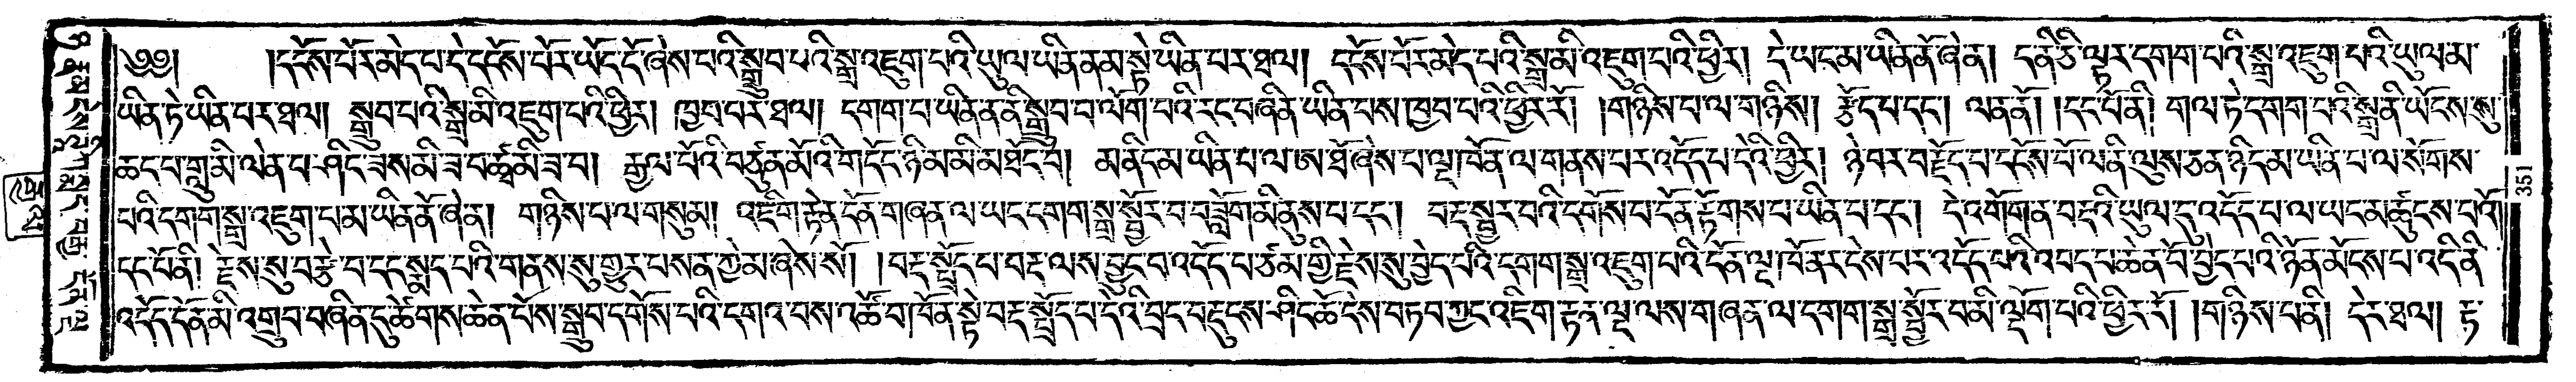༄༅། །དངོས་པོར་མེད་པ་དེ་དངོས་པོར་ཡོད་དོ་ཞེས་པའི་སྒྲུབ་པའི་སྒྲ་འཇུག་པའི་ཡུལ་ཡིན་ནམ་སྟེ་ཡིན་པར་ཐལ། དངོས་པོར་མེད་པའི་སྒྲ་མི་འཇུག་པའི་ཕྱིར། དེ་ཡང་མ་ཡིན་ནོ་ཞེ་ན། ད་ནི་ཅི་ལྟར་དགག་པའི་སྒྲ་འཇུག་པའི་ཡུལ་མ་
ཡིན་ཏེ་ཡིན་པར་ཐལ། སྒྲུབ་པའི་སྒྲ་མི་འཇུག་པའི་ཕྱིར། ཁྱབ་པར་ཐལ། དགག་པ་ཡིན་ན་ནི་སྒྲུབ་བ་ལོག་པའི་རང་བཞིན་ཡིན་པས་ཁྱབ་པའི་ཕྱིར་རོ། །གཉིས་པ་ལ་གཉིས། རྩོད་པ་དང་། ལན་ནོ། །དང་པོ་ནི། གལ་ཏེ་དགག་པའི་སྒྲ་ནི་ཡོངས་སུ་
ཆད་པ་གླུ་མི་ལེན་པ་ཤིང་ཟས་མི་ཟ་བ་ཚྭ་མི་ཟ་བ། རྒྱལ་པོའི་བཙུན་མོའི་གདོང་ཉི་མ་མི་མཐོང་བ། མ་ནིང་མ་ཡིན་པ་ལ་ཨ་ཐོ་ཞེས་པ་ལྔ་ཁོ་ན་ལ་གནས་པར་འདོད་པ་དེའི་ཕྱིར། ཉེ་བར་བརྗོད་པ་དངོས་པོ་ལ་ནི་ལུས་ཅན་ཉིད་མ་ཡིན་པ་ལ་སོགས་
པའི་དགག་སྒྲ་འཇུག་པ་མ་ཡིན་ནོ་ཞེ་ན། གཉིས་པ་ལ་གསུམ། འཇིག་རྟེན་དོན་གཞན་ལ་ཡང་དགག་སྒྲ་སྦྱོར་བ་བཟློག་མི་ནུས་པ་དང་། བརྡ་སྦྱར་བའི་དགོས་པ་དོན་རྟོགས་པ་ཡིན་པ་དང་། དེ་འགོག་ན་བརྡའི་ཡུལ་དུ་འདོད་པ་ལ་ཡང་མཚུངས་པའོ།
དང་པོ་ནི། རྗེས་སུ་བརྩེ་བ་དང་སྨད་པའི་གནས་སུ་གྱུར་པས་ན་ཀྱེ་མ་ཞེས་སོ། །བརྡ་སྤྲོད་པ་བརྡ་ལས་བྱུང་བ་འདོད་པ་ཙམ་གྱི་རྗེས་སུ་བྱེད་པའི་དགག་སྒྲ་འཇུག་པའི་དོན་ལྔ་ཁོ་ནར་ངེས་པར་འདོད་པའི་འབད་པ་ཆེན་པོ་བྱེད་པའི་ཉོན་མོངས་པ་འདི་ནི་
འདོད་དོན་མི་འགྲུབ་བཞིན་དུ་ཚེགས་ཆེན་པོས་སྒྲུབ་དགོས་པའི་དགའ་བས་འཚོ་བ་ཁོ་ན་སྟེ་བརྡ་སྤྲོད་པ་དེའི་བྲང་བརྡུངས་ཤིང་ཆོ་ངེས་བཏབ་ཀྱང་འཇིག་རྟན་ལྔ་ལས་གཞན་ལ་དགག་སྒྲ་སྦྱོར་བ་མི་ལྡོག་པའི་ཕྱིར་རོ། །གཉིས་པ་ནི། དེར་ཐལ། རྟ་